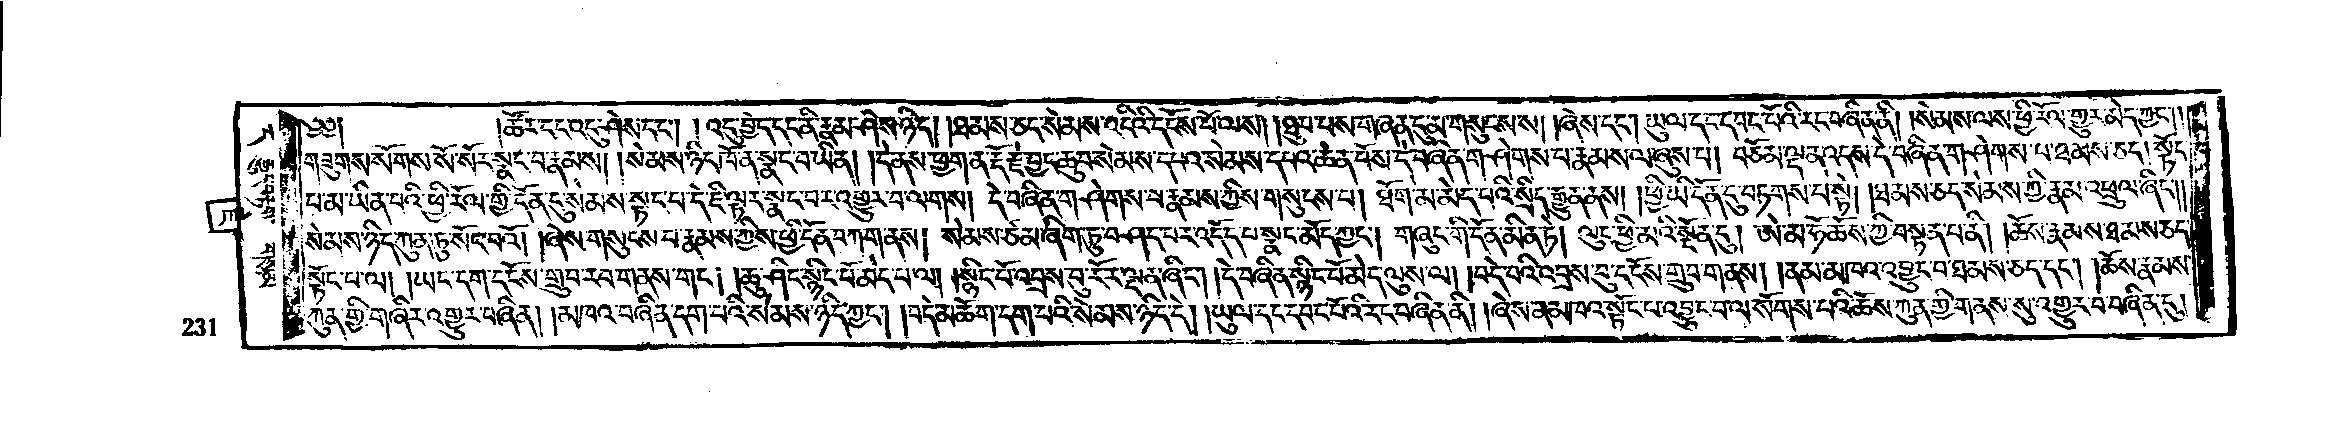༄༅། །ཚོར་དང་འདུ་ཤེས་དང་། །འདུ་བྱེད་དང་ནི་རྣམ་ཤེས་ཉིད། །ཐམས་ཅད་སེམས་འདིའི་དངོས་པོ་ལས། །ཐུབ་པས་གཞན་དུ་མ་གསུངས་ས། །ཞེས་དང་། ཡུལ་དང་དབང་པོའི་རང་བཞིན་ནི། །སེམས་ལས་ཕྱི་རོལ་གྱུར་མེད་ཀྱང་། །
གཟུགས་སོགས་སོ་སོར་སྣང་བ་རྣམས། །སེམས་ཉིད་ཁོ་ན་སྣང་བ་ཡིན། །དེ་ནས་ཕྱག་ན་རྡོ་རྗེ་བྱང་ཆུབ་སེམས་དཔའ་སེམས་དཔའ་ཆེན་པོས་དེ་བཞིན་གཤེགས་པ་རྣམས་ལ་ཞུས་པ། བཅོམ་ལྡན་འདས་དེ་བཞིན་གཤེགས་པ་ཐམས་ཅད། སྟོང་
པ་མ་ཡིན་པའི་ཕྱི་རོལ་གྱི་དོན་དུ་སེམས་སྟང་པ་དེ་ཇི་ལྟར་སྣང་བར་འགྱུར་བ་ལགས། དེ་བཞིན་གཤེགས་པ་རྣམས་ཀྱིས་གསུངས་པ། ཐོག་མ་མེད་པའི་སྲིད་རྒྱུན་ནས། །ཕྱི་ཡི་དོན་དུ་བཏགས་པ་སྟེ། །ཐམས་ཅད་སེམས་ཀྱི་རྣམ་འཕྲུལ་ཞིང་། །
སེམས་ཉིད་ཀུན་ཏུ་སོང་བའོ། །ཞེས་གསུངས་པ་རྣམས་ཀྱིས་ཕྱི་དོན་བཀག་ནས། སེམས་ཙམ་ཞིག་ཏུ་བཤད་པར་འདོད་པ་སྣང་མོད་ཀྱང་། གཞུང་གི་དོན་མིན་ཏེ། ལུང་ཕྱི་མའི་སྔོན་དུ། ཨེ་མ་ཧོ་ཆོས་ཀྱི་བསྟན་པ་ནི། །ཆོས་རྣམས་ཐམས་ཅད་
སྟོང་པ་ལ། །ཡང་དག་དངོས་གྲུབ་རབ་གནས་གང་། །ཆུ་ཤིང་སྙིང་པོ་མེད་པ་ལ། །སྙིང་པོ་འབྲས་བུ་རོར་ལྡན་ཞིང་། །དེ་བཞིན་སྙིང་པོ་མེད་ལུས་ལ། །བདེ་བའི་འབྲས་བུ་དངོས་གྲུབ་གནས། །ནམ་མཁའ་འབྱུང་བ་ཐམས་ཅད་དང་། །ཆོས་རྣམས་
ཀུན་གྱི་གཞིར་འགྱུར་བཞིན། །མཁའ་བཞིན་དག་པའི་སེམས་ཉིད་ཀྱང་། །བདེ་མཆོག་དག་པའི་སེམས་ཉིད་དེ། །ཡུལ་དང་དབང་པོའི་རང་བཞིན་ནི། །ཞེས་ནམ་མཁའ་སྟོང་པ་འབྱུང་བ་ལ་སོགས་པའི་ཆོས་ཀུན་གྱི་གནས་སུ་འགྱུར་བ་བཞིན་དུ།